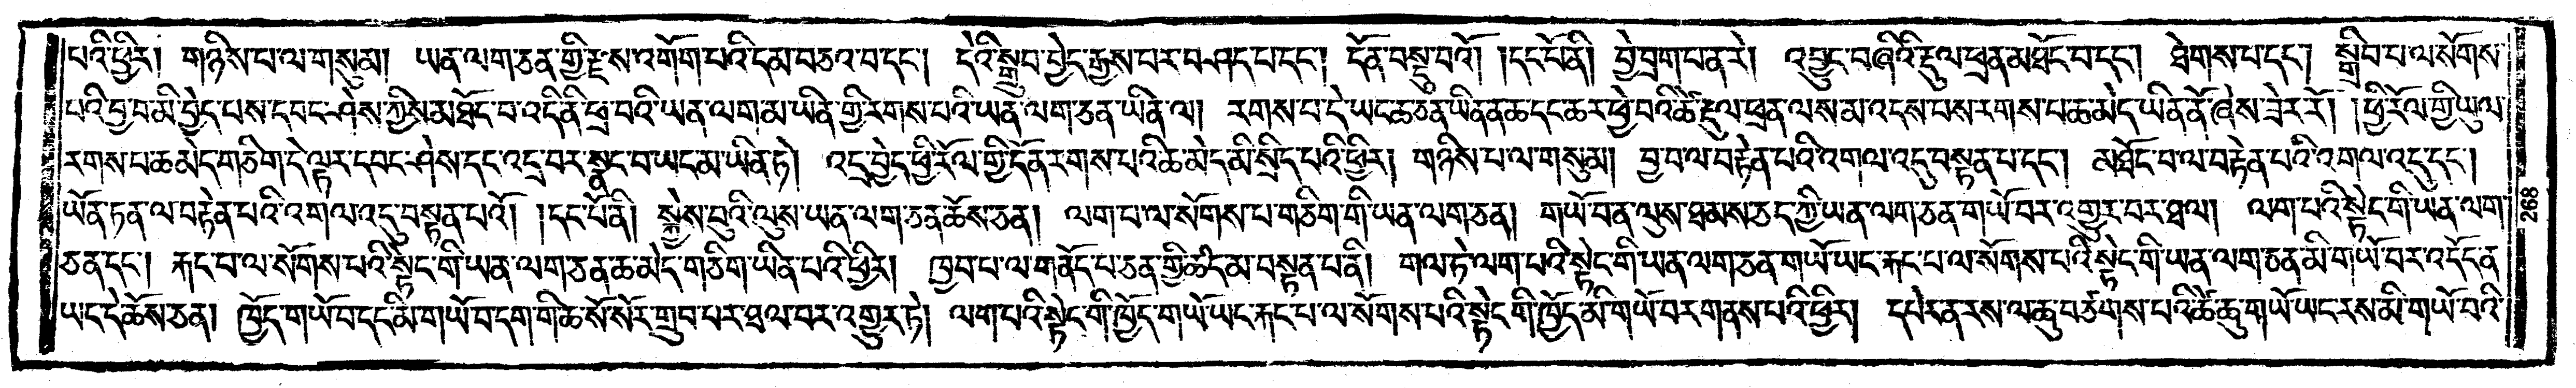པའི་ཕྱིར། གཉིས་པ་ལ་གསུམ། ཡན་ལག་ཅན་གྱི་རྫས་འགོག་པའི་དམ་བཅའ་བ་དང་། དེའི་སྒྲུབ་བྱེད་རྒྱས་པར་བཤད་པ་དང་། དོན་བསྡུ་བའོ། །དང་པོ་ནི། བྱེ་བྲག་པ་ན་རེ། འབྱུང་བཞིའི་རྡུལ་ཕྲན་མཐོང་བ་དང་། ཐེགས་པ་དང་། སྒྲིབ་པ་ལ་སོགས་
པའི་བྱ་བ་མི་བྱེད་པས་དབང་ཤེས་ཀྱིས་མཐོང་བ་འདི་ནི་ཕྲ་བའི་ཡན་ལག་མ་ཡིན་གྱི་རགས་པའི་ཡན་ལག་ཅན་ཡིན་ལ། རགས་པ་དེ་ཡང་ཆ་ཅན་ཡིན་ན་ཆ་དང་ཆར་ཕྱེ་བའི་ཚེ་རྡུལ་ཕྲན་ལས་མ་འདས་པས་རགས་པ་ཆ་མེད་ཡིན་ནོ་ཞེས་ཟེར་རོ། །ཕྱི་རོལ་གྱི་ཡུལ་
རགས་པ་ཆ་མེད་གཅིག་དེ་ལྟར་དབང་ཤེས་དང་འདྲ་བར་སྣང་བ་ཡང་མ་ཡིན་ཏེ། འདྲ་བྱེད་ཕྱི་རོལ་གྱི་དོན་རགས་པའི་ཆ་མེད་མི་སྲིད་པའི་ཕྱིར། གཉིས་པ་ལ་གསུམ། བྱ་བ་ལ་བརྟེན་པའི་འགལ་འདུ་བསྟན་པ་དང་། མཐོང་བ་ལ་བརྟེན་པའི་འགལ་འདུ་དང་།
ཡོན་ཏན་ལ་བརྟེན་པའི་འགལ་འདུ་བསྟན་པའོ། །དང་པོ་ནི། སྐྱེས་བུའི་ལུས་ཡན་ལག་ཅན་ཆོས་ཅན། ལག་པ་ལ་སོགས་པ་གཅིག་གི་ཡན་ལག་ཅན། གཡོ་བ་ན་ལུས་ཐམས་ཅད་ཀྱི་ཡན་ལག་ཅན་གཡོ་བར་འགྱུར་བར་ཐལ། ལག་པའི་སྟེང་གི་ཡན་ལག་
ཅན་དང་། རྐང་པ་ལ་སོགས་པའི་སྟེང་གི་ཡན་ལག་ཅན་ཆ་མེད་གཅིག་ཡིན་པའི་ཕྱིར། ཁྱབ་པ་ལ་གནོད་པ་ཅན་གྱི་ཚད་མ་བསྟན་པ་ནི། གལ་ཏེ་ལག་པའི་སྟེང་གི་ཡན་ལག་ཅན་གཡོ་ཡང་རྐང་པ་ལ་སོགས་པའི་སྟེང་གི་ཡན་ལག་ཅན་མི་གཡོ་བར་འདོད་ན་
ཡང་དེ་ཆོས་ཅན། ཁྱོད་གཡོ་བ་དང་མི་གཡོ་བ་དག་གི་ཆ་སོ་སོར་གྲུབ་པར་ཐལ་བར་འགྱུར་ཏེ། ལག་པའི་སྟེང་གི་ཁྱོད་གཡོ་ཡང་རྐང་པ་ལ་སོགས་པའི་སྟེང་གི་ཁྱོད་མི་གཡོ་བར་གནས་པའི་ཕྱིར། དཔེར་ན་རས་ལ་ཆུ་བཙགས་པའི་ཚེ་ཆུ་གཡོ་ཡང་རས་མི་གཡོ་བའི་